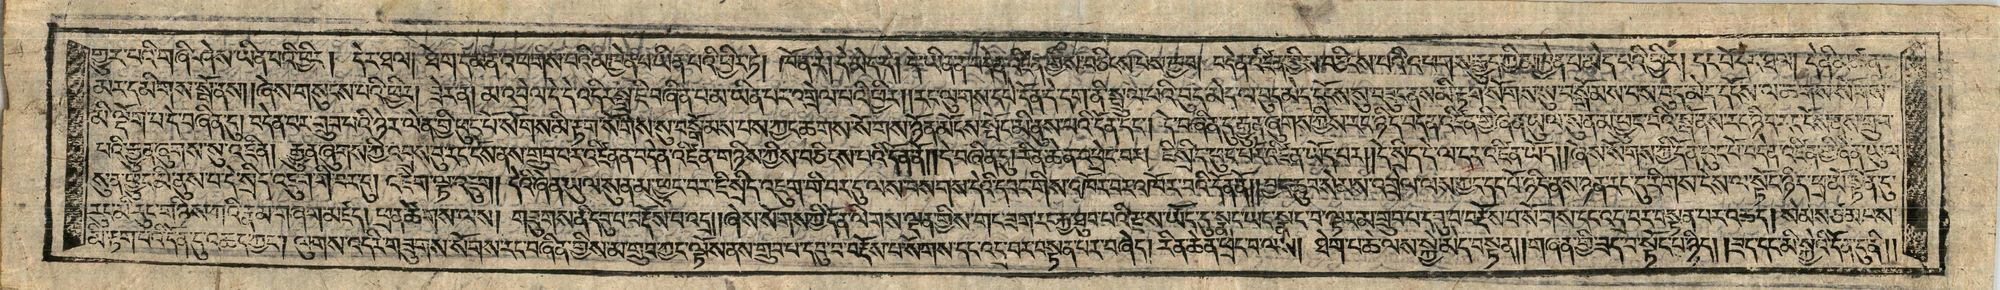གྱུར་པའི་གཞི་ཤེས་ཡིན་པའི་ཕྱིར། དེར་ཐལ། ཐེག་དམན་འཕགས་པའི་མཁྱེན་པ་ཡིན་པའི་ཕྱིར་ཏེ། ཁོ་ན་རེ། དེ་མེད་དེ། དེ་ཡིན་ན་བདེན་འཛིན་གྱིས་བཅིངས་པས་ཁྱབ། བདེན་འཛིན་གྱིས་བཅིངས་པའི་འཕགས་རྒྱུད་ཀྱི་མཁྱེན་པ་མེད་པའི་ཕྱིར། དང་པོ་དེར་ཐལ། དེ་ནི་མཚན་
མར་དམིགས་སྒོ་ནས། །ཞེས་གསུངས་པའི་ཕྱིར། ཟེར་ན། མ་འབྲེལ་ཏེ་དེ་འདིར་སྒྲ་ཇི་བཞིན་པ་མ་ཡིན་པར་འགྲེལ་པའི་ཕྱིར། །རང་ལུགས་དཔེ་དོན་དེ་དག་ནི་སྤྲུལ་བའི་བུད་མེད་ལ་བུད་མེད་དངོས་སུ་བཟུང་ནས་མི་རྟག་སོགས་སུ་བསྒོམས་པས་བུད་མེད་དངོས་ལ་ཆགས་སོགས་
མི་ལྡོག་པ་དེ་བཞིན་དུ། བདེན་པར་གྲུབ་པའི་ཉེར་ལེན་བྱི་ཕུང་པོ་སོགས་མི་རྟག་སོགས་སུ་བསྒོམས་པས་ཀྱང་ཆགས་སོགས་ཉོན་མོངས་སྤོང་མི་ནུས་པའི་དོན་དང་། དེ་བཞིན་དུ་རྒྱུན་ཞུགས་ཀྱིས་རང་ཉིད་བདེན་འཛིན་གྱི་ཞེན་ཡུལ་སུན་མ་ཕྱུང་བའི་སྒོ་ནས་རང་ཉིད་རང་ངོས་ནས་གྲུབ་
པའི་རྒྱུན་ཞུགས་སུ་འཛིན། རྒྱུན་ཞུགས་ཀྱི་འབྲས་བུ་རང་ངོས་ནས་གྲུབ་པར་འཛིན་ན་བདེན་འཛིན་གཉིས་ཀྱིས་བཅིངས་པའི་དོན་ནོ། །དེ་བཞིན་དུ། རིན་ཆེན་འཕྲེང་བར། ཇི་སྲིད་ཕུང་པོར་འཛིན་ཡོད་པར། །དེ་སྲིད་དེ་ལ་ངར་འཛིན་ཡོད། །ཞེས་སོགས་ཀྱི་དོན་ཕུང་པོ་བདེན་འཛིན་གྱི་ཞེན་ཡུལ་
སུན་ཕྱུང་མི་ནུས་པ་དེ་སྲིད་འཇུག་གི་བར་དུ། འཇིག་ལྟ་འཇུག །དེའི་ཞེན་ཡུལ་སུན་མ་ཕྱུང་བར་ཇི་སྲིད་འཇུག་གི་བར་དུ་ལས་བསགས་དེའི་དབང་གིས་འཁོར་བར་འཁོར་བའི་དོན་ནོ། །བྱང་ཆུབ་སེམས་འགྲེལ་ལས་ཀྱང་དང་པོ་ཉིད་ནས་ཉན་རང་དུ་རིགས་ངེས་ལ་སྟོང་ཉིད་ཕྲ་མོ་སྟོན་དུ་
རུང་མི་རུང་གཉིས་ཀའི་རྣམ་གཞག་མཛད། ཕྲན་ཚེགས་ལས། གཟུགས་ནི་དབུ་པ་བརྡོས་པ་འདྲ། །ཞེས་སོགས་ཀྱི་དོན་ལེགས་ལྡན་གྱིས་གང་ཟག་རང་རྐྱ་ཐུབ་པའི་རྫས་ཡོད་དུ་སྣང་ཡང་སྣང་བ་ལྟར་མ་གྲུབ་པ་དབུ་བ་བརྡོས་པ་སོགས་དང་འདྲ་བར་བསྟན་པར་འཆད། སེམས་ཙམ་པས་
མི་རྟག་པའི་དོན་དུ་འཆད་ཀྱང་། ལུགས་འདིར་གཟུགས་སོགས་རང་བཞིན་གྱིས་མ་གྲུབ་ཀྱང་ལྟོས་ནས་གྲུབ་པ་དབུ་བ་བརྡོས་པ་སོགས་དང་འདྲ་བར་བསྟན་པར་བཞེད། རིན་ཆེན་ཕྲེང་བ་ལས། ཐེག་པ་ཆེ་ལས་སྐྱེ་མེད་བསྟན། །གཞན་གྱི་ཟད་པ་སྟོང་པ་ཉིད། །ཟད་དང་མི་སྐྱེའི་དོན་དུ་ནི། །